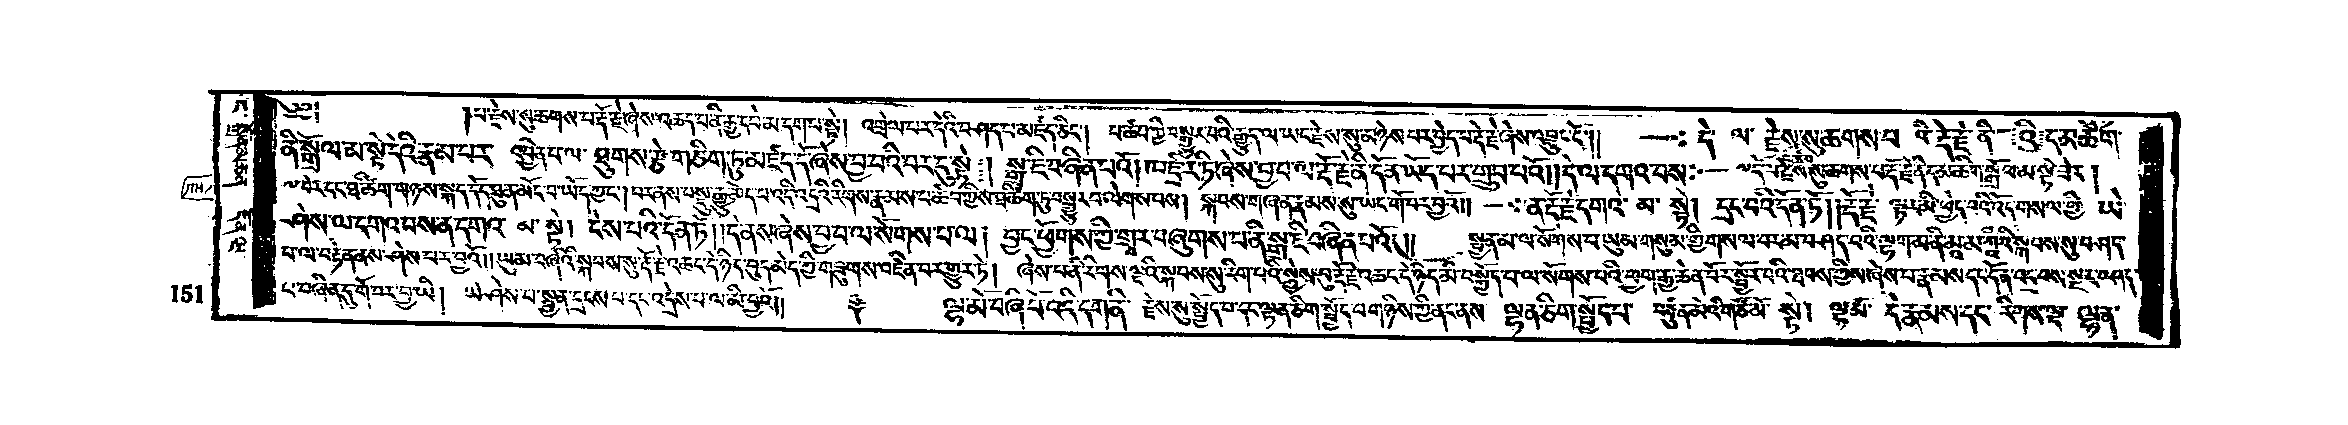༄༅། །པ་རྗེས་སུ་ཆགས་པ་རྡོ་རྗེ་ཞེས་འཆད་པ་ནི་རྒྱ་དཔེ་མ་དག་པ་སྟེ། འགྲེལ་པར་དེའི་བཤད་པ་མཛད་ཅིང་། པ་ཚབ་ཀྱི་བསྒྱུར་བའི་རྒྱུད་ལ་ཡང་རྗེས་སུ་མཉེས་པར་བྱེད་པ་རྡོ་རྗེ་ཞེས་འབྱུང་ངོ།། .H དེ་ལ་རྗེས་སུ་ཆགས་པའི་རྡོ་རྗེ་ནི་འི་དམ་ཚིག ༡
ནི་སྒྲོལ་མ་སྟེ་དེའི་རྣམ་པར་འབྱིན་པ་ལ་ཐུགས་རྩེ་གཅིག་ཏུ་མཛད་དོ་ཞེས་བྱ་བའི་བར་དུ་སྟེ། སྒྲ་ཇི་བཞིན་པའོ། །བཛྲ་ར་ཏི་ཞེས་བྱ་བ་ལ་རྡོ་རྗེ་ནི་དོན་ཡོད་པར་གྲུབ་པའོ། །དེ་ལ་དགའ་བསཿ་པ་ཚབ་༧དེ་ལ་རྗེས་སུ་ཆགས་པ་རྡོ་རྗེ་ནི་དམ་ཚིག་སྒྲོལ་མ་སྟེ་ཟེར།
༧དེར་དང་ཐ་ཚིག་གཉིས་སྐད་དོད་ཐུན་མོང་བ་ཡོད་ཀྱང་། བར་ནས་བསྡུ་རྒྱུ་མེད་པ་འདི་འདྲའི་རིགས་རྣམས་པ་ཚབ་ཀྱིས་ཐ་ཚིག་ཏུ་བསྒྱུར་བ་ལེགས་པས། སྐབས་གཞན་རྣམས་སུ་ཡང་གོ་བར་བྱའོ།། .H ན་རྡོ་རྗེ་དགའ་མ་སྟེ། དྲང་བའི་དོན་ཏོ། །རྡོ་རྗེ་ལྟར་མི་ཕྱེད་པའི་འོད་གསལ་གྱི་ཡེ་
ཤེས་ལ་དགའ་བས་ན་དགའ་མ་སྟེ། ངེས་པའི་དོན་ཏོ། །དེ་ནས་ཞེས་བྱ་བ་ལ་སོགས་པ་ལ། བྱང་ཕྱོགས་ཀྱི་གྲྭར་བཞུགས་པ་ནི་སྒྲ་ཇི་བཞིན་པའོ།། སྤྱན་མ་ལ་སོགས་པ་ཡུམ་གསུམ་གྱི་གསལ་བར་མ་བཤད་པའི་ལྷག་མ་ནི་མཱ་མ་ཀཱིའི་སྐབས་སུ་བཤད་
པ་ལ་བརྟེན་ནས་ཤེས་པར་བྱའོ། །ཡུམ་བཞིའི་སྐབས་སུ་རྡོ་རྗེ་འཆང་དེ་ཉིད་བུད་མེད་ཀྱི་གཟུགས་འཛིན་པར་གྱུར་ཏེ། ཞེས་པ་ནི་རིགས་ལྔའི་སྐབས་སུ་རིག་པའི་སྐྱེས་བུ་རྡོ་རྗེ་འཆང་དེ་ཉིད་མི་བསྐྱོད་པ་ལ་སོགས་པའི་ཕྱག་རྒྱ་ཆེན་པོར་སྦྱོར་བའི་ཐབས་ཀྱིས་ཞེས་པ་རྣམས་དང་དོན་འདྲ་བས་སྔར་བཤད་
པ་བཞིན་དུ་གོ་བར་བྱ་ཡི། ཡེ་ཤེས་པ་སྤྱན་དྲངས་པ་དང་འདྲེས་པ་ལ་མི་བྱའོ།། ༈ ལྷ་མོ་བཞི་པོ་འདི་དག་ནི་རྗེས་སུ་སྤྱོད་པ་དང་ལྷན་ཅིག་སྤྱོད་པ་གཉིས་ཀྱི་ནང་ནས་ལྷན་ཅིག་སྤྱོད་པ་བཙུན་མོའི་གཙོ་མོ་སྟེ། ལྷ་མོ་དེ་རྣམས་དང་རིགས་ལྔ་ལྷན་